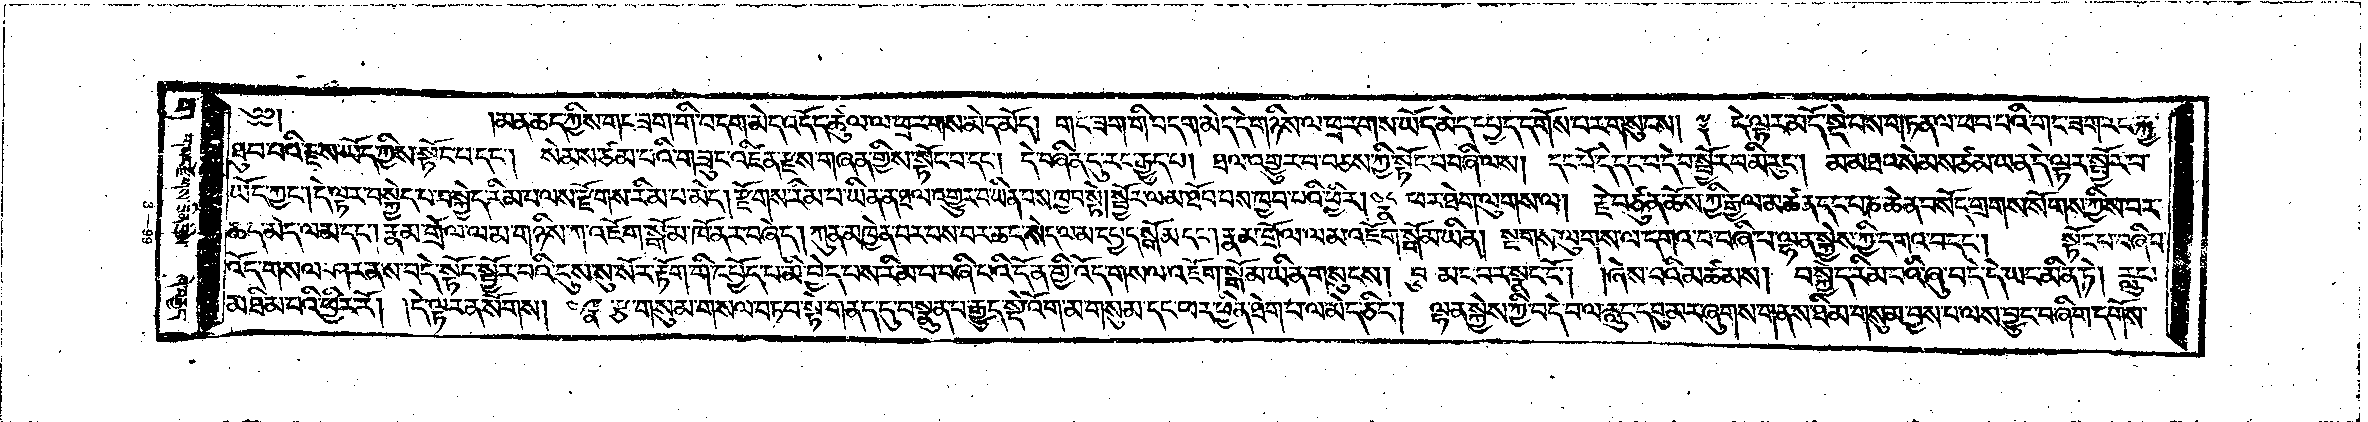༄༅། །མན་ཆད་ཀྱིས་གང་ཟག་གི་བདག་མེད་འདོད་ཚུལ་ལ་ཕྲ་རགས་མེད་མོད། གང་ཟག་གི་བདག་མེད་དེ་གཉིས་ལ་ཕྲ་རགས་ཡོད་མེད་དཔྱད་དགོས་པར་གསུངས། ༈ དེ་ལྟར་མདོ་སྡེ་པས་གཏན་ལ་ཕབ་པའི་གང་ཟག་རང་རྐྱ་
ཐུབ་པའི་རྫས་ཡོད་ཀྱིས་སྟོང་པ་དང་། སེམས་ཙམ་པའི་གཟུང་འཛིན་རྫས་གཞན་གྱིས་སྟོང་པ་དང་། དེ་བཞིན་དུ་རང་རྒྱུད་པ། ཐལ་འགྱུར་བ་བཅས་ཀྱི་སྟོང་བ་བཞི་ལས། དང་པོ་དེ་དང་བདེ་བ་སྦྱོར་བ་མི་རུང་། མ་མཐའ་སེམས་ཙམ་ཡན་དེ་ལྟར་སྦྱོར་བ་
ཡོད་ཀྱང་། དེ་ལྟར་བསྐྱེད་པ་བསྐྱེད་རིམ་པ་ལས་རྫོགས་རིམ་པ་མེད། རྫོགས་རིམ་པ་ཡིན་ན་ཐལ་འགྱུར་བ་ཡིན་པས་ཁྱབ་སྟེ། སྦྱོར་ལམ་ཐོབ་པས་ཁྱབ་པའི་ཕྱིར། ༤༨ན་ཕར་ཐེག་ལུགས་ལ། རྗེ་བཙུན་ཆོས་ཀྱི་རྒྱལ་མཚན་དང་པཎ་ཆེན་བསོད་གྲགས་སོགས་ཀྱིས་བར་
ཆད་མེད་ལམ་དང་། རྣམ་གྲོལ་ལམ་གཉིས་ཀ་འཇོག་སྒོམ་ཁ་ནོར་བཞེད། ཀུན་མཁྱེན་བར་བས་བར་ཆད་སེད་ལམ་དཔྱད་སྒོམ་དང་། རྣམ་གྲོལ་ལམ་འཇོག་སྒོམ་ཡིན། སྔགས་ལུགས་ལ་དགའ་བ་བཞི་པ་ལྷན་སྐྱེས་ཀྱི་དགའ་བ་དང་། སྟོང་པ་བཞི་བ་
འོད་གསལ་ཤར་ནས་བདེ་སྟོང་སྦྱོར་བའི་དུས་སུ་སོར་རྟོག་གི་དཔྱོད་པ་མི་བྱེད་པས་རིམ་པ་བཞི་པའི་དོན་གྱི་འོད་གསལ་འཇོག་སྒོམ་ཡིན་གསུངས། བ༦་མང་བར་སྣང་ངོ། །ཞེས་པའི་མཚམས། བསྐྱེད་རིམ་པའི་ཞུ་བ་དེ་དེ་ཡང་མིན་ཏེ། རླུང་
མཐིམ་པའི་ཕྱིར་རོ། །དེ་ལྟར་ན་སོགས། ༤༩ན་རྩ་གསུམ་གསལ་བཏབ་སྟེ་གནད་དུ་བསྣུན་པ་རྒྱུད་སྡེ་འོག་མ་གསུམ་དང་ཕར་ཕྱིན་ཐེག་པ་ལ་མེད་ཅིང་། ལྷན་སྐྱེས་ཀྱི་བདེ་བ་ལ་རླུང་དབུ་མར་ཞུགས་གནས་ཐིམ་གསུམ་བྱས་པ་ལས་བྱུང་བ་ཞིག་དགོས་